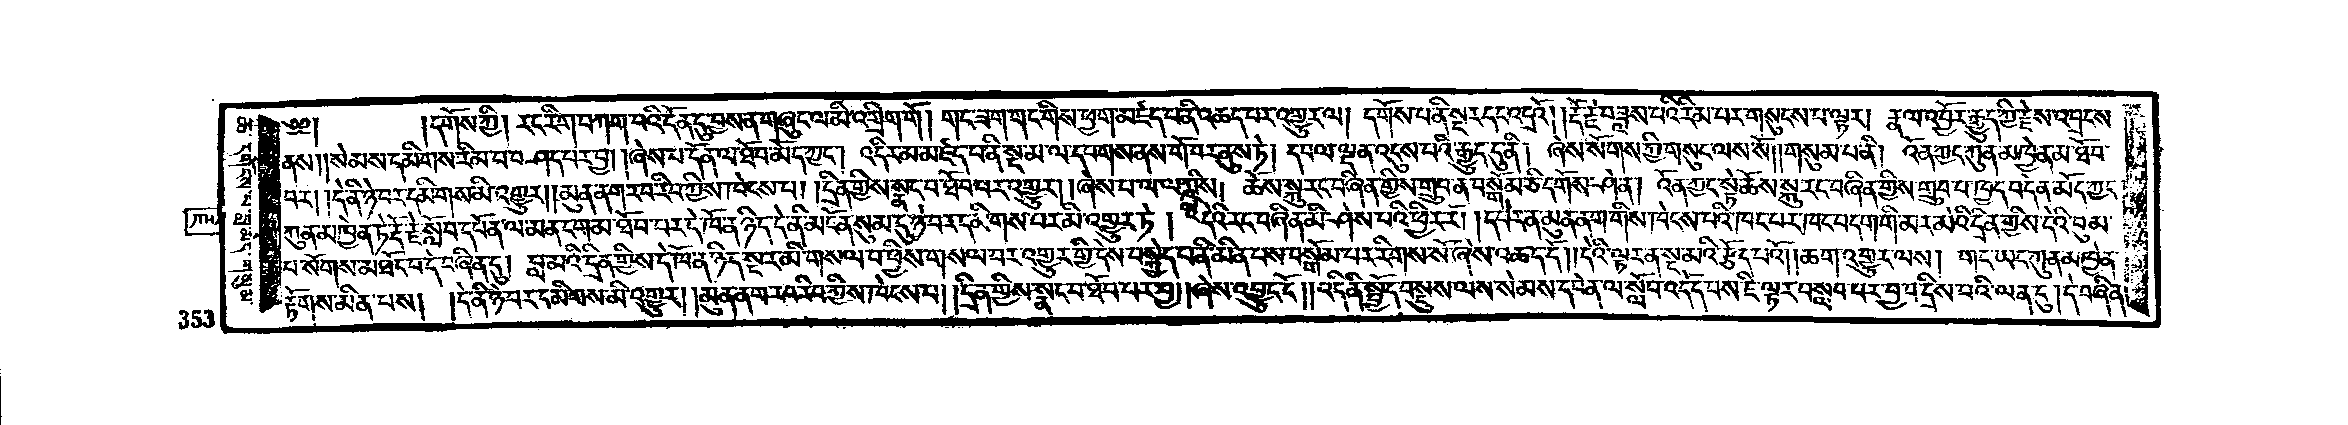༄༅། །དགོས་ཀྱི། རང་རིག་བཀག་པའི་དོན་དུ་བྱས་ན་གཞུང་ལ་མི་འགྲིག་གོ །གང་ཟག་གང་གིས་ཕྱག་མཛད་པ་ནི་འཆད་པར་འགྱུར་ལ། དགོས་པ་ནི་སྔར་དང་འདྲའོ། །རྡོ་རྗེ་བཟླས་པའི་རིམ་པར་གསུངས་པ་ལྟར། རྣལ་འབྱོར་རྒྱུད་ཀྱི་རྗེས་འབྲངས་
ནས། །སེམས་དམིགས་རིམ་པ་བཤད་པར་བྱ། །ཞེས་པ་དོན་ལ་ཐོབ་མོད་ཀྱང་། འདིར་མ་མཛད་པ་ནི་སྔ་མ་ལ་དཔགས་ནས་གོ་བར་ནུས་ཏེ། དཔལ་ལྡན་འདུས་པའི་རྒྱུད་དུ་ནི། ཞེས་སོགས་ཀྱི་གསུང་ལས་སོ། །གསུམ་པ་ནི། འོན་ཀྱང་ཀུན་མཁྱེན་མ་ཐོབ་
བར། །དེ་ནི་ཉེ་བར་དམིགས་མི་འགྱུར། །མུན་ནག་རབ་རིབ་ཀྱིས་ཁེངས་པ། །དྲིན་གྱིས་སྣང་བ་ཐོབ་པར་འགྱུར། །ཞེས་པ་ལ་ལཀྵྨཱིས། ཆོས་སྐུ་རང་བཞིན་གྱིས་གྲུབ་ན་བསྒོམ་ཅི་དགོས་ཤེ་ན། འོན་ཀྱང་སྟེ་ཆོས་སྐུ་རང་བཞིན་གྱིས་གྲུབ་པ་ཁྱད་བདེན་མོད་ཀྱང་
ཀུན་མཁྱེན་ཏེ་རྡོ་རྗེ་སློབ་དཔོན་ལ་མན་ངག་མ་ཐོབ་པར་དེ་ཁོ་ན་ཉིད་དེ་ནི་མངོན་སུམ་དུ་ཉེ་བར་དམིགས་པར་མི་འགྱུར་ཏེ། འདེའི་རང་བཞིན་མི་ཤེས་པའི་ཕྱིར་རོ། །དཔེར་ན་མུན་ནག་གིས་པའི་ཁང་པར་ཁང་བདག་གི་མར་མེའི་དྲིན་གྱིས་དེའི་བུམ་
པ་སོགས་མཐོང་བ་དེ་བཞིན་དུ། བླ་མའི་དྲིན་གྱིས་དེ་ཁོ་ན་ཉིད་སྔར་མི་གསལ་བ་ཕྱིས་གསལ་བར་འགྱུར་གྱི་དེས་བསྐྱེད་པ་ནི་མིན་པས་བསྒོམ་པར་རིགས་སོ་ཞེས་འཆད་དོ། །དེའི་ལྟར་ན་སྔ་མའི་རྩོད་པའོ། །ཆག་འགྱུར་ལས། གང་ཡང་ཀུན་མཁྱེན་
རྟོགས་མིན་པས། །དེ་ནི་ཉེ་བར་དམིགས་མི་འགྱུར། །མུན་ནག་རབ་རིབ་ཀྱིས་ཁེངས་པ། །དྲིན་གྱིས་སྣང་བ་ཐོབ་པར་བྱ། །ཞེས་འབྱུང་ངོ། །འདི་ནི་སྤྱོད་བསྡུས་ལས་སེམས་དབེན་ལ་སློབ་འདོད་པས་ཇི་ལྟར་བསླབ་པར་བྱ་བ་དྲིས་པའི་ལན་དུ། །དེ་བཞིན་